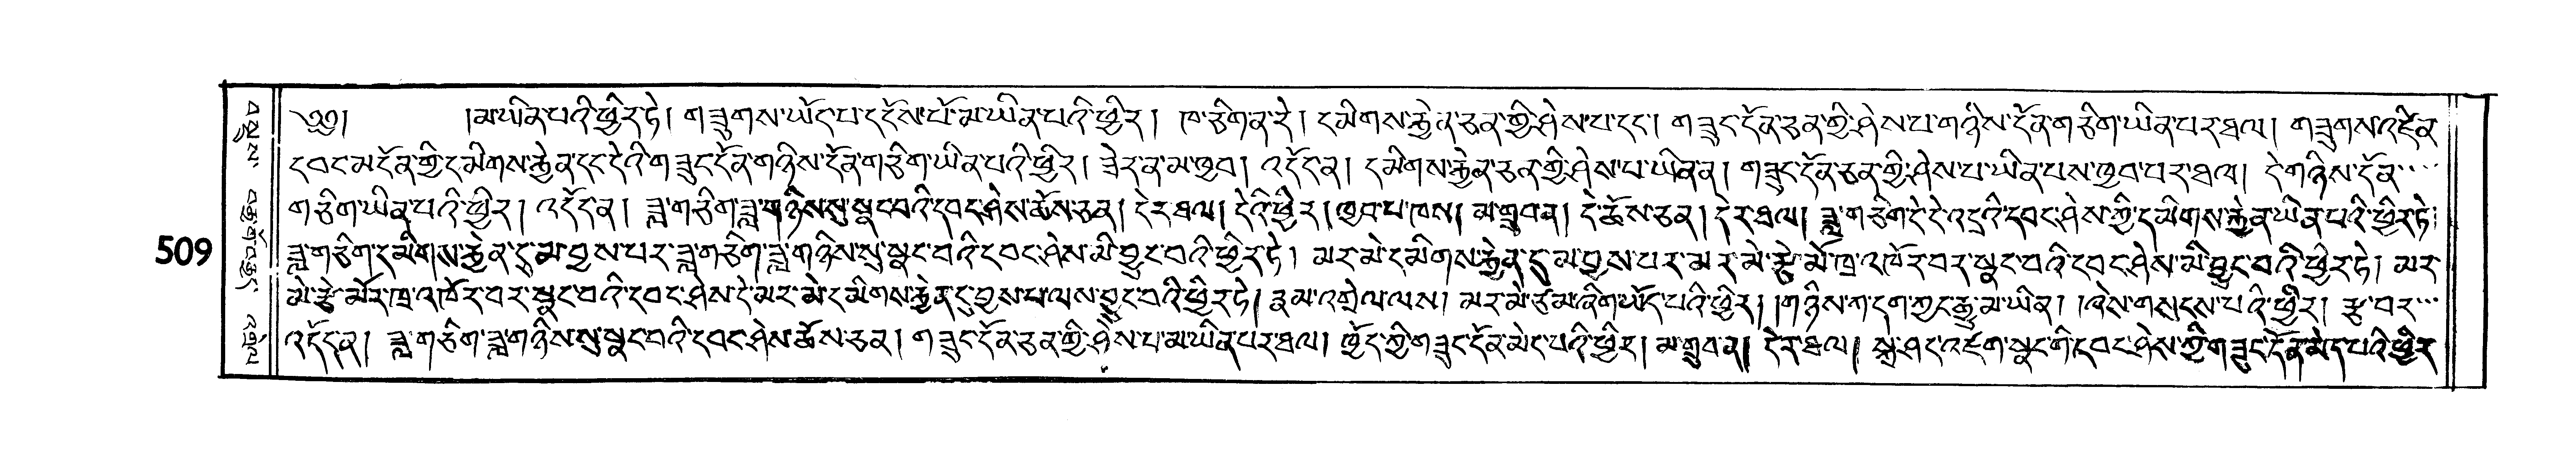༄༅། །མ་ཡིན་པའི་ཕྱིར་ཏེ། གཟུགས་ཡོད་པ་དངོས་པོ་མ་ཡིན་པའི་ཕྱིར། ཁ་ཅིག་ན་རེ། དམིགས་རྐྱེན་ཅན་གྱི་ཤེས་པ་དང་། གཟུང་དོན་ཅན་གྱི་ཤེས་པ་གཉིས་དོན་གཅིག་ཡིན་པར་ཐལ། གཟུགས་འཛིན་
དབང་མངོན་གྱི་དམིགས་རྐྱེན་དང་དེའི་གཟུང་དོན་གཉིས་དོན་གཅིག་ཡིན་པའི་ཕྱིར། ཟེར་ན་མ་ཁྱབ། འདོད་ན། དམིགས་རྐྱེན་ཅན་གྱི་ཤེས་པ་ཡིན་ན། གཟུང་དོན་ཅན་གྱི་ཤེས་པ་ཡིན་པས་ཁྱབ་པར་ཐལ། དེ་གཉིས་དོན་
གཅིག་ཡིན་པའི་ཕྱིར། འདོད་ན། ཟླ་གཅིག་ཟླ་གཉིས་སུ་སྣང་བའི་དབང་ཤེས་ཆོས་ཅན། དེར་ཐལ། དེའི་ཕྱིར། ཁྱབ་པ་ཁས། མ་གྲུབ་ན། དེ་ཆོས་ཅན། དེར་ཐལ། ཟླ་གཅིག་དེ་དེ་འདྲའི་དབང་ཤེས་ཀྱི་དམིགས་རྐྱེན་ཡིན་པའི་ཕྱིར་ཏེ།
ཟླ་གཅིག་དམིགས་རྐྱེན་དུ་མ་བྱས་པར་ཟླ་གཅིག་ཟླ་གཉིས་སུ་སྣང་བའི་དབང་ཤེས་མི་བྱུང་བའི་ཕྱིར་ཏེ། མར་མེ་དམིགས་རྐྱེན་དུ་མ་བྱས་པར་མར་མེ་རྩེ་མོ་ཁྲ་འཁོར་བར་སྣང་བའི་དབང་ཤེས་མི་བྱུང་བའི་ཕྱིར་ཏེ། མར་
མེ་རྩེ་མོར་ཁྲ་འཁོར་བར་སྣང་བའི་དབང་ཤེས་དེ་མར་མེ་དམིགས་རྐྱེན་དུ་བྱས་པ་ལས་བྱུང་བའི་ཕྱིར་ཏེ། རྣམ་འགྲེལ་ལས། མར་མེ་ཙམ་ཞིག་ཡོད་པའི་ཕྱིར། །གཉིས་ཀ་དག་ཀྱང་རྒྱུ་མ་ཡིན། །ཞེས་གསུངས་པའི་ཕྱིར། རྩ་བར་
འདོད་ན། ཟླ་གཅིག་ཟླ་གཉིས་སུ་སྣང་བའི་དབང་ཤེས་ཆོས་ཅན། གཟུང་དོན་ཅན་གྱི་ཤེས་པ་མ་ཡིན་པར་ཐལ། ཁྱོད་ཀྱི་གཟུང་དོན་མེད་པའི་ཕྱིར། མ་གྲུབ་ན། དེར་ཐལ། སྐྲ་ཤད་འཛག་སྣང་གི་དབང་ཤེས་ཀྱི་གཟུང་དོན་མེད་པའི་ཕྱིར་